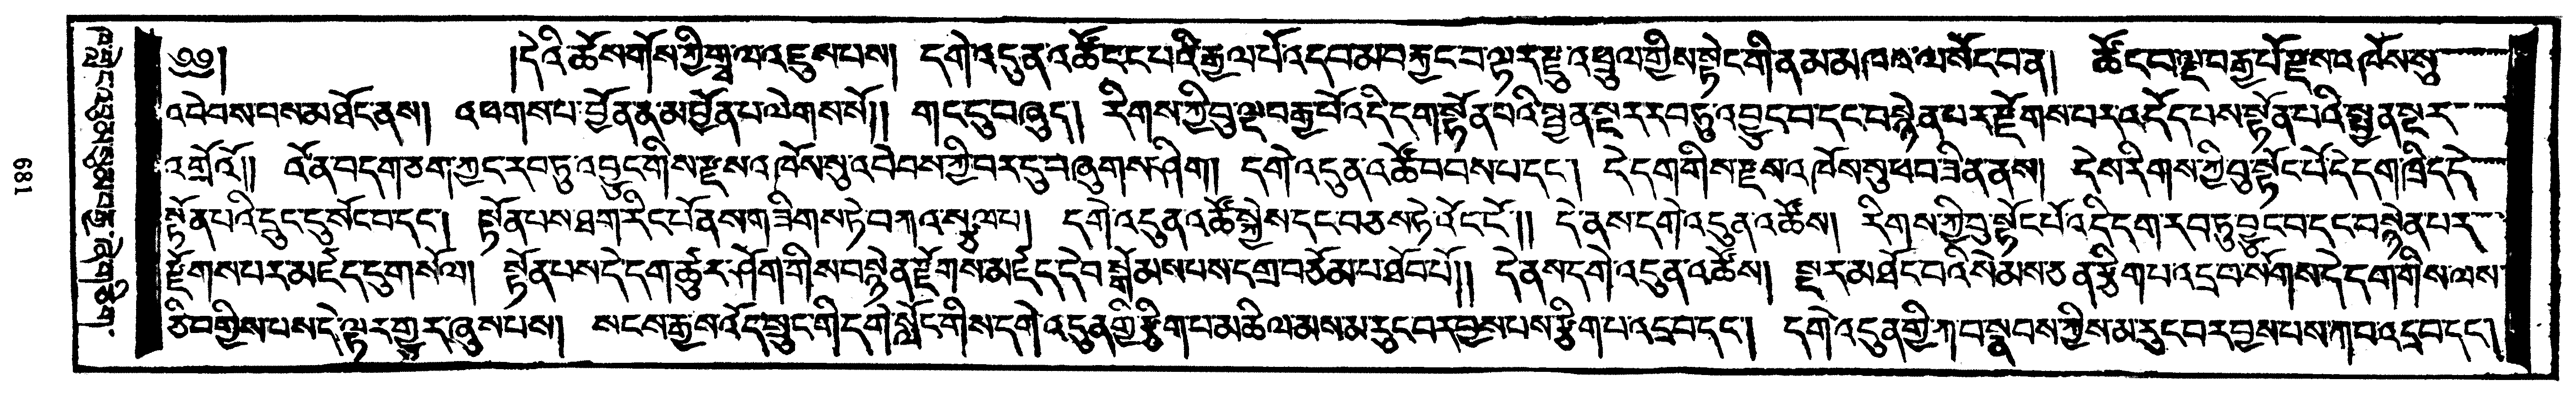༄༅། །དེའི་ཆོས་གོས་ཀྱི་གྲྭ་ལ་འཇུས་པས། དགེ་འདུན་འཚོ་ངང་པའི་རྒྱལ་པོ་འདབ་མ་བརྐྱང་བ་ལྟར་རྫུ་འཕྲུལ་གྱིས་སྟེང་གི་ནམ་མཁའ་ལ་སོང་བ་ན། ཚོང་བ་ལྔ་བརྒྱ་པོ་རྫས་འཁོས་སུ་
འབེབས་པས་མཐོང་ནས། འཕགས་པ་བྱོན་ན་མ་བྱོན་པ་ལེགས་སོ།། གང་དུ་བཞུད། རིགས་ཀྱི་བུ་ལྔ་བརྒྱ་པོ་འདི་དག་སྟོན་པའི་སྤྱན་སྔར་རབ་ཏུ་འབྱུང་བ་དང་བསྙེན་པར་རྫོགས་པར་འདོད་པས་སྟོན་པའི་སྤྱན་སྔར་
འགྲོའོ།། འོ་ན་བདག་ཅག་ཀྱང་རབ་ཏུ་འབྱུང་གིས་རྫས་འཁོས་སུ་འབེབས་ཀྱི་བར་དུ་བཞུགས་ཤིག། དགེ་འདུན་འཚོ་བབས་པ་དང་། དེ་དག་གིས་རྫས་འཁོས་སུ་ཕབ་ཟིན་ནས། དེས་རིགས་ཀྱི་བུ་སྟོང་པོ་དེ་དག་ཁྲིད་དེ་
སྟོན་པའི་དྲུང་དུ་སོང་བ་དང་། སྟོན་པས་ཐག་རིང་པོ་ནས་གཟིགས་ཏེ་བཀའ་སྩལ་པ། དགེ་འདུན་འཚོ་སྐྱེས་དང་བཅས་ཏེ་འོང་ངོ།། དེ་ནས་དགེ་འདུན་འཚོས། རིགས་ཀྱི་བུ་སྟོང་པོ་འདི་དག་རབ་ཏུ་བྱུང་བ་དང་བསྙེན་པར་
རྫོགས་པར་མཛད་དུ་གསོལ། སྟོན་པས་དེ་དག་ཚུར་ཤོག་གིས་བསྙེན་རྫོགས་མཛད་དེ་བསྒོམས་པས་དགྲ་བཅོམ་པ་ཐོབ་པོ།། དེ་ནས་དགེ་འདུན་འཚོས། སྔར་མཐོང་བའི་སེམས་ཅན་རྩིག་པ་འདྲ་བ་སོགས་དེ་དག་གིས་ལས་
ཅི་བགྱིས་པས་དེ་ལྟར་གྱུར་ཞུས་པས། སངས་རྒྱས་འོད་སྲུང་གི་དགེ་སློང་གིས་དགེ་འདུན་གྱི་རྩིག་པ་མཆིལ་མས་མ་རུང་བར་བྱས་པས་རྩིག་པ་འདྲ་བ་དང་། དགེ་འདུན་གྱི་ཀ་བ་སྣབས་ཀྱིས་མ་རུང་བར་བྱས་པས་ཀབ་འདྲ་བ་དང་།